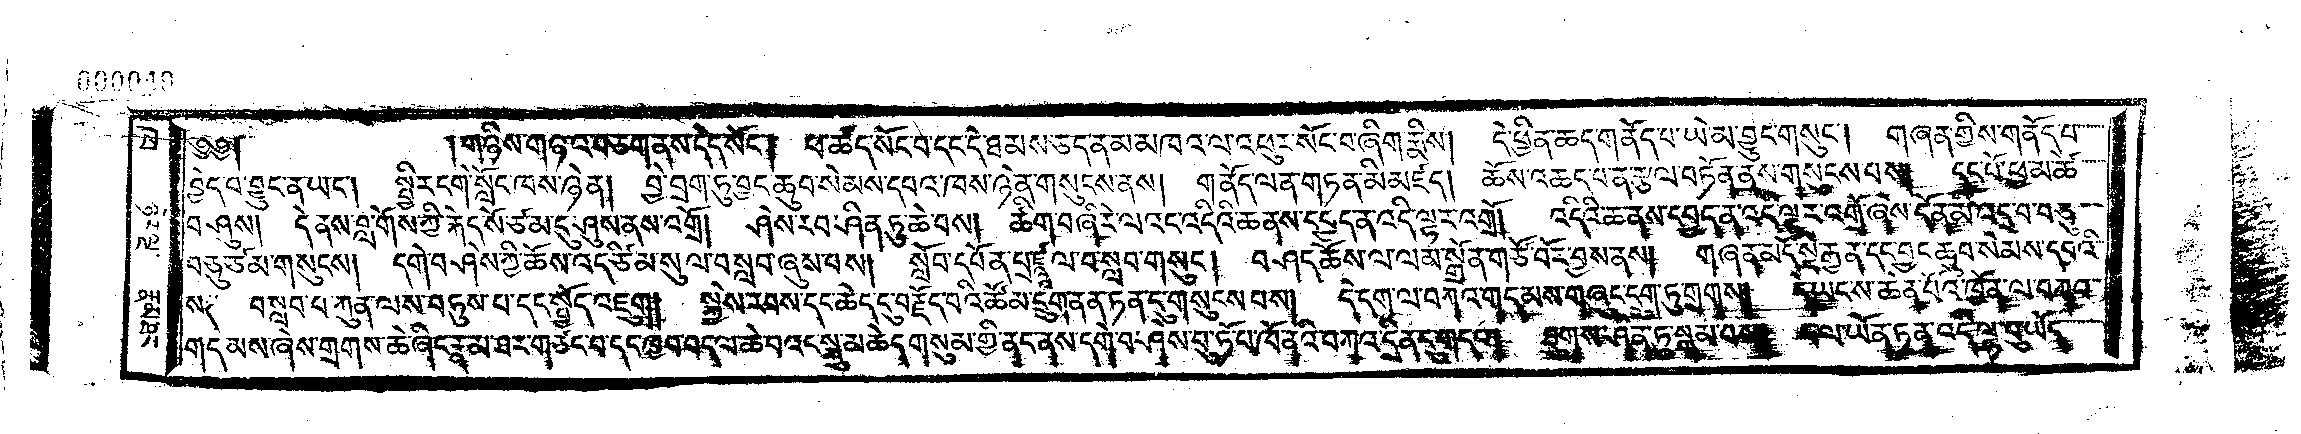༄༅། །གཉིས་གཉའ་བཅག་ནས་དེད་སོང་། ཕ་ཚད་སོང་བ་དང་དེ་ཐམས་ཅད་ནམ་མཁའ་ལ་འཕུར་སོང་བ་ཞིག་རྨིས། དེ་ཕྱིན་ཆད་གནོད་པ་ཡེ་མ་བྱུང་གསུང་། གཞན་གྱིས་གནོད་པ་
བྱེད་པ་བྱུང་ན་ཡང་། སྤྱིར་དགེ་སློང་ཁས་ཉེན། བྱེ་བྲག་ཏུ་བྱང་ཆུབ་སེམས་དཔའ་ཁས་ཉེན་གསུངས་ནས། གནོད་ལན་གཏན་མི་མཛད། ཆོས་འཆད་པ་ན་རྩལ་བཏོན་ནས་གསུངས་པས། དང་པོ་ཕྱམ་ཚེ་
བཤུས། དེ་ནས་བླ་གོས་ཀྱི་རྐེད་སོ་ཙམ་དུ་ཤུས་ནས་འགྲོ། ཤེས་རབ་ཤིན་ཏུ་ཆེ་བས། ཚིག་བཞི་རེ་ལའང་འདིའི་ཆ་ནས་དཔྱད་ན་འདི་ལྟར་འགྲོ། འདིའི་ཆ་ནས་དཔྱད་ན་འདི་ལྟར་འགྲོ་ཞེས་དོན་མི་འདྲ་བ་བཅུ་
བཅུ་ཙམ་གསུངས། དགེ་བཤེས་ཀྱི་ཆོས་འདི་ཙམ་སུ་ལ་བསླབ་ཞུས་པས། སློབ་དཔོན་པྲཛྙཱ་ལ་བསླབ་གསུང་། བཤད་ཆོས་ལ་ལམ་སྒྲོན་གཙོ་བོར་བྱས་ནས། གཞན་མདོ་སྡེ་རྒྱན་དང་བྱང་ཆུབ་སེམས་དཔའི་
ས༑ བསླབ་པ་ཀུན་ལས་བཏུས་པ་དང་སྤྱོད་འཇུག། སྐྱེས་རབས་དང་ཆེད་དུ་བརྗོད་པའི་ཚོམ་དྲུག་ནན་ཏན་དུ་གསུངས་པས། དེ་དག་ལ་བཀའ་གདམས་གཞུང་དྲུག་ཏུ་གྲགས། དེ་ཡང་ས་ཆེན་པོའི་ཁྱོན་ལ་བཀའ་
གདམས་ཞེས་གྲགས་ཆེ་ཞིང་རྣམ་ཐར་གཙང་བ་དང་ཁྱབ་བདལ་ཆེ་བའང་སྐུ་མཆེད་གསུམ་གྱི་ནང་ནས་དགེ་བཤེས་པུ་ཏོ་པ་ཁོ་ནའི་བཀའ་དྲིན་དུ་གདའ། ཐུགས་ཤིན་ཏུ་སྒམ་པས། ང་ལ་ཡོན་ཏན་འདི་ལྟ་བུ་ཡོད་